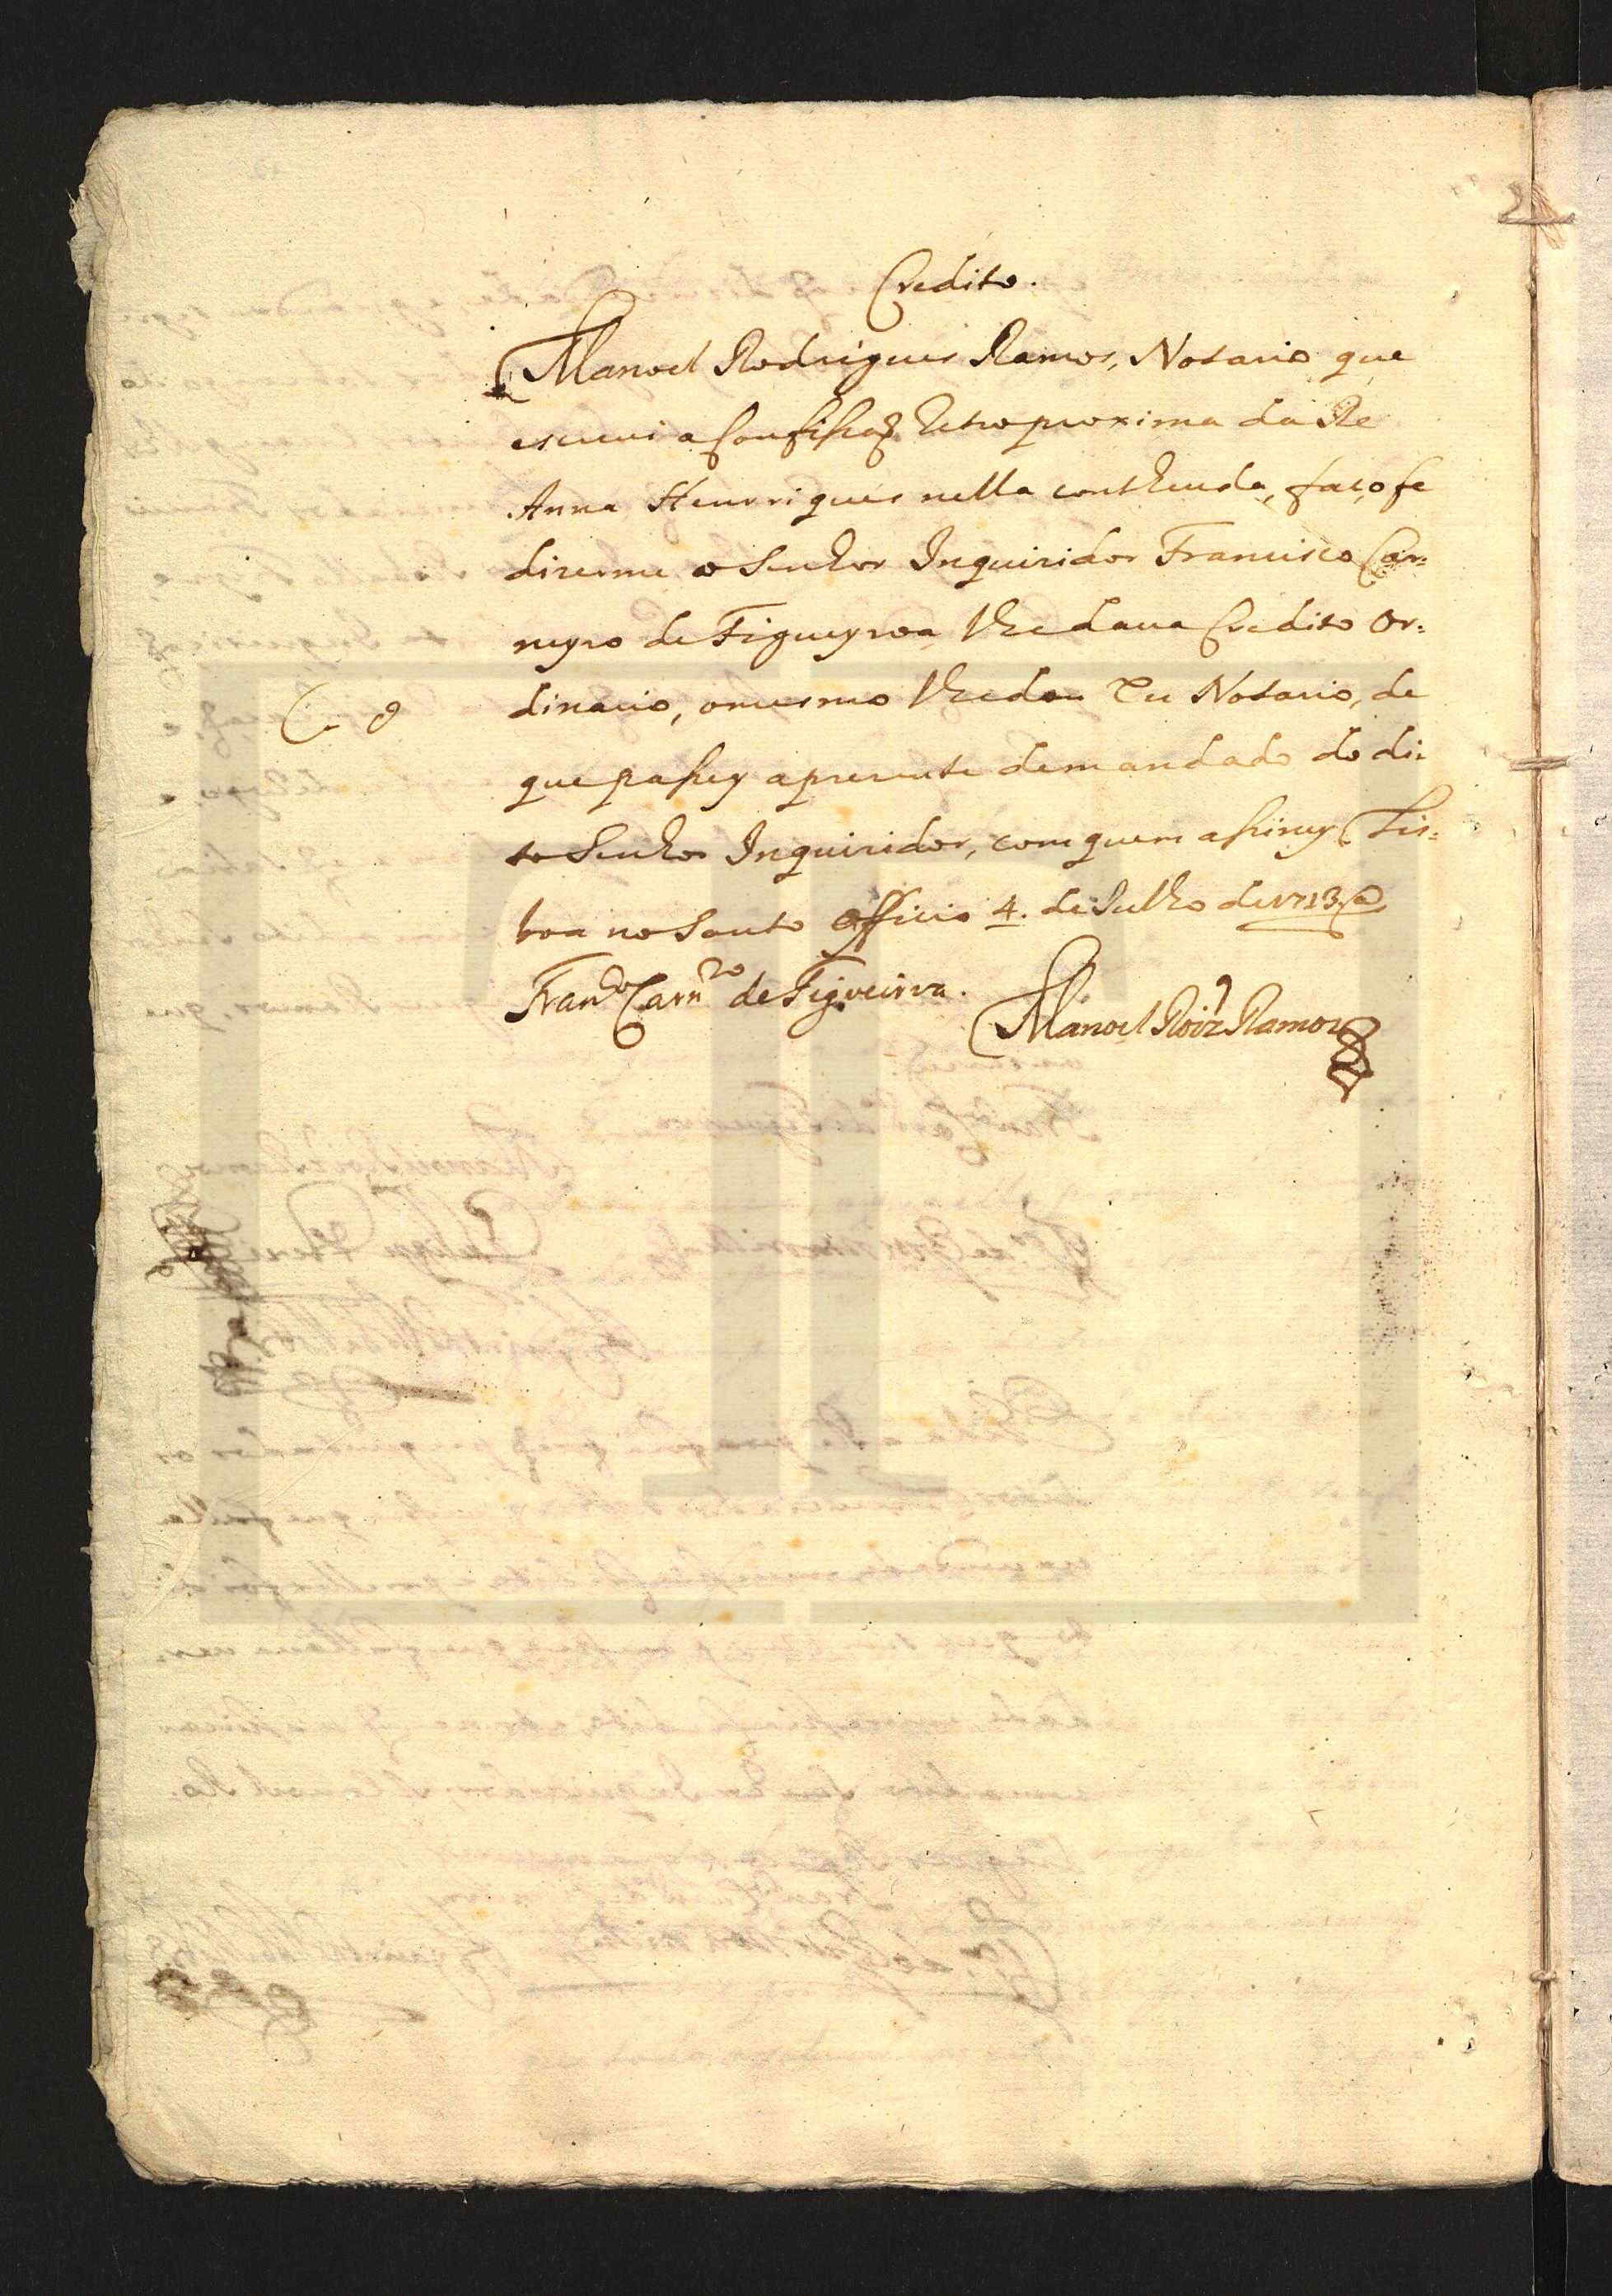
Credito.
Manoel Rodrigues Ramos, Notario que
escreui a Confissaõ Retro proxima da Ré
Anna Henrriques nella contheuda, faço fe
dizerme o Senhor Inquizidor Francisco Car
neyro de Figueyroa lhe daria Credito or
dinario, o mesmo lhe dou Eu Notario, de
C o
que passey a prezente de mandado do di
to Senhor Inquizidor, com quem assiney Lis
boa no santo officio 4. de Iulho de 1713. ā
Franco Carnro de Figueiroa
Manoel Roiz̄ Ramoz
